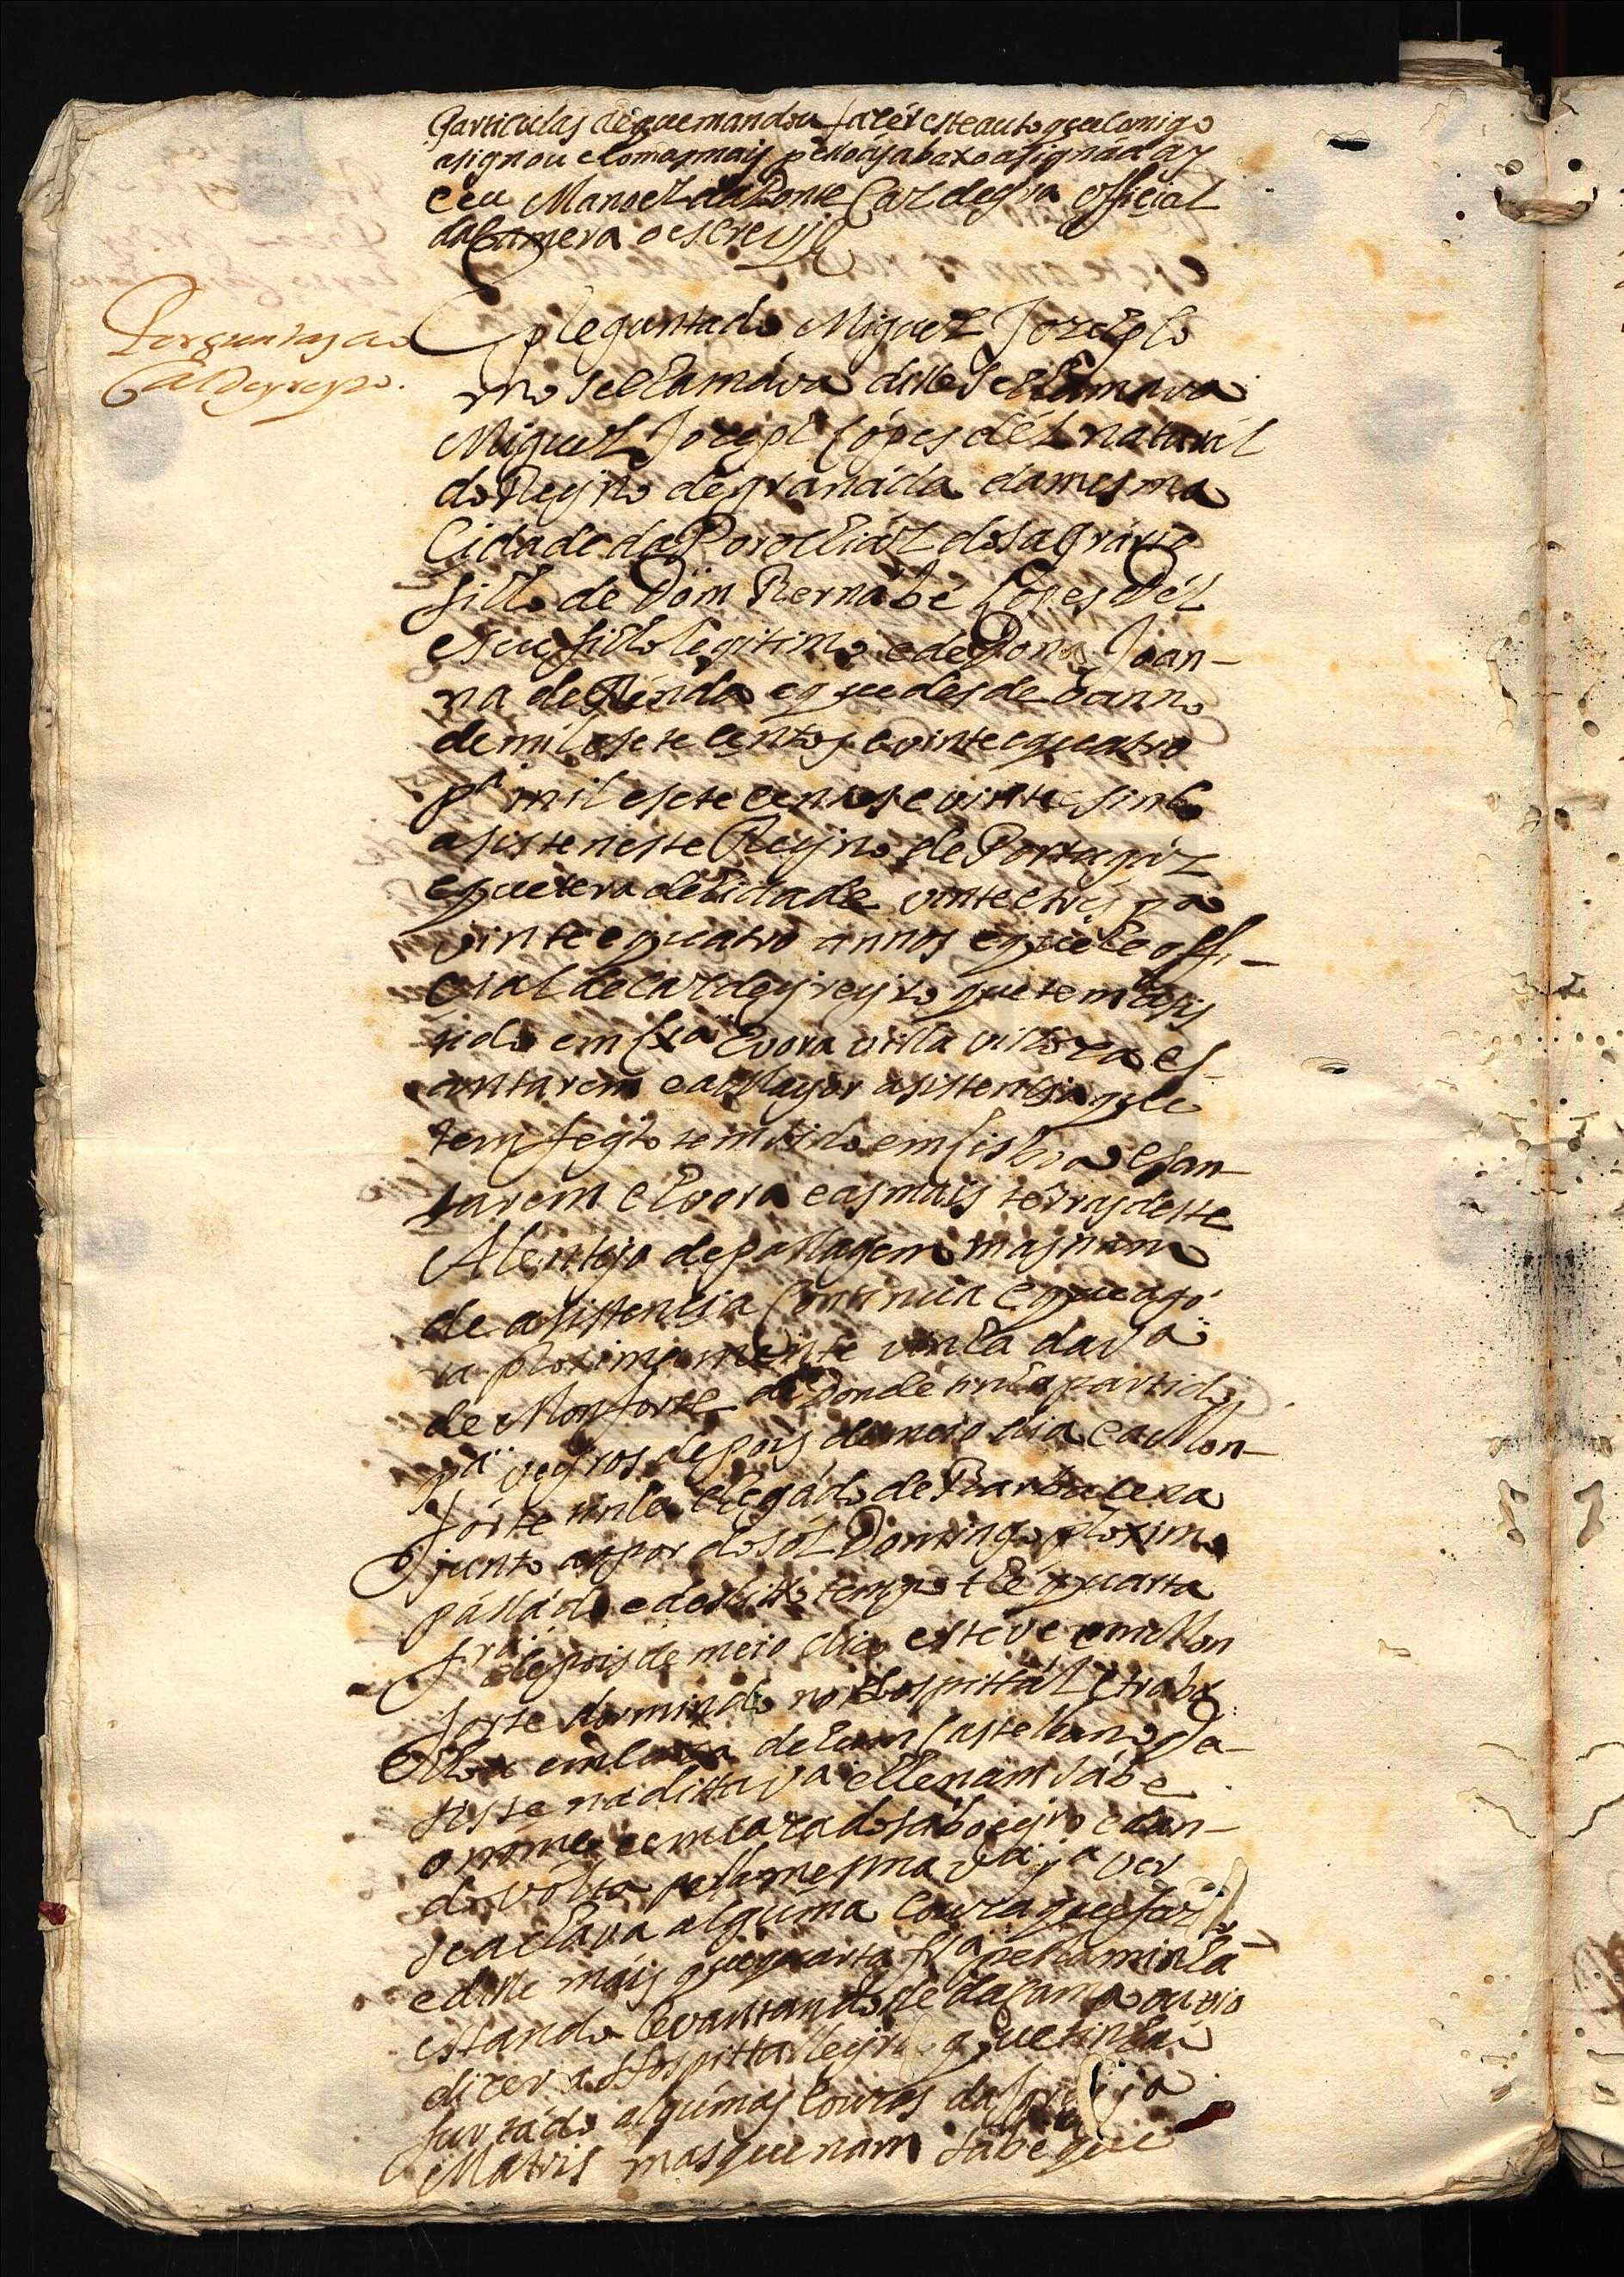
Particulas de que mandou fazer este auto que comigo
asignou e com as mais pessoas abaxo asignádas
e eu Manoel da Ponte CaLdeyra officiaL
da Camera o escrevj
Perguntas ao
E pReguntado MigueL Jozehp Co
Caldeyreyro.
mo se chamava disse se chamava
MigueL Jozeph Lópes deL natural
do Reyno de granáda da mesma
Cidade da PorochiaL do sagrario
filho de Dom Bernabé Lopes e DéL
e seu filho legitimo e de Dona Joan
na de Renda e que desde o anno
de mil e setecentos e vinte e quatro
p.a mil e setecentos e vinte sinco
asiste neste Reyno de PortugaL
e que tera de hidade vinte e tres pa
vinte e quatro annos e que he offi
cial de caldeyreyro que tem asis
tido em Lx.a Evora villa vissoza e s
antarem e a Mayor asistencia que
tem feyto tem sido em Lisboa e san
tarem e Evora e as mais terras deste
Alentejo de passagem mas nam
de asistencia Continua, e que ago
ra proximamente vinha da va
de Monforte de Donde tinha partido
pa veyros depois de meio dia e a Mon
forte tinha chegádo de Barbacena
junto ao por do sol Domingo proximo
passado e do ditto tempo thé quarta
fra depois de meio dia esteve em Mon
forte dormindo no hospittaL e traba
lhou em caza de hum Castelhano q̄ a
siste na ditta va elle nam sabe
o nome, e em caza do saboeyro e dan
do volta pella mesma v.a pa ver
se achava algúmas couzas que faz
e disse máis que quarta fr.a pella minha
estando levantandosse da Cama ouvio
dizer a Hospittalleyro que tinha
furtado algumas couzas da Jgreija
Matris, mas que nam sabe que
